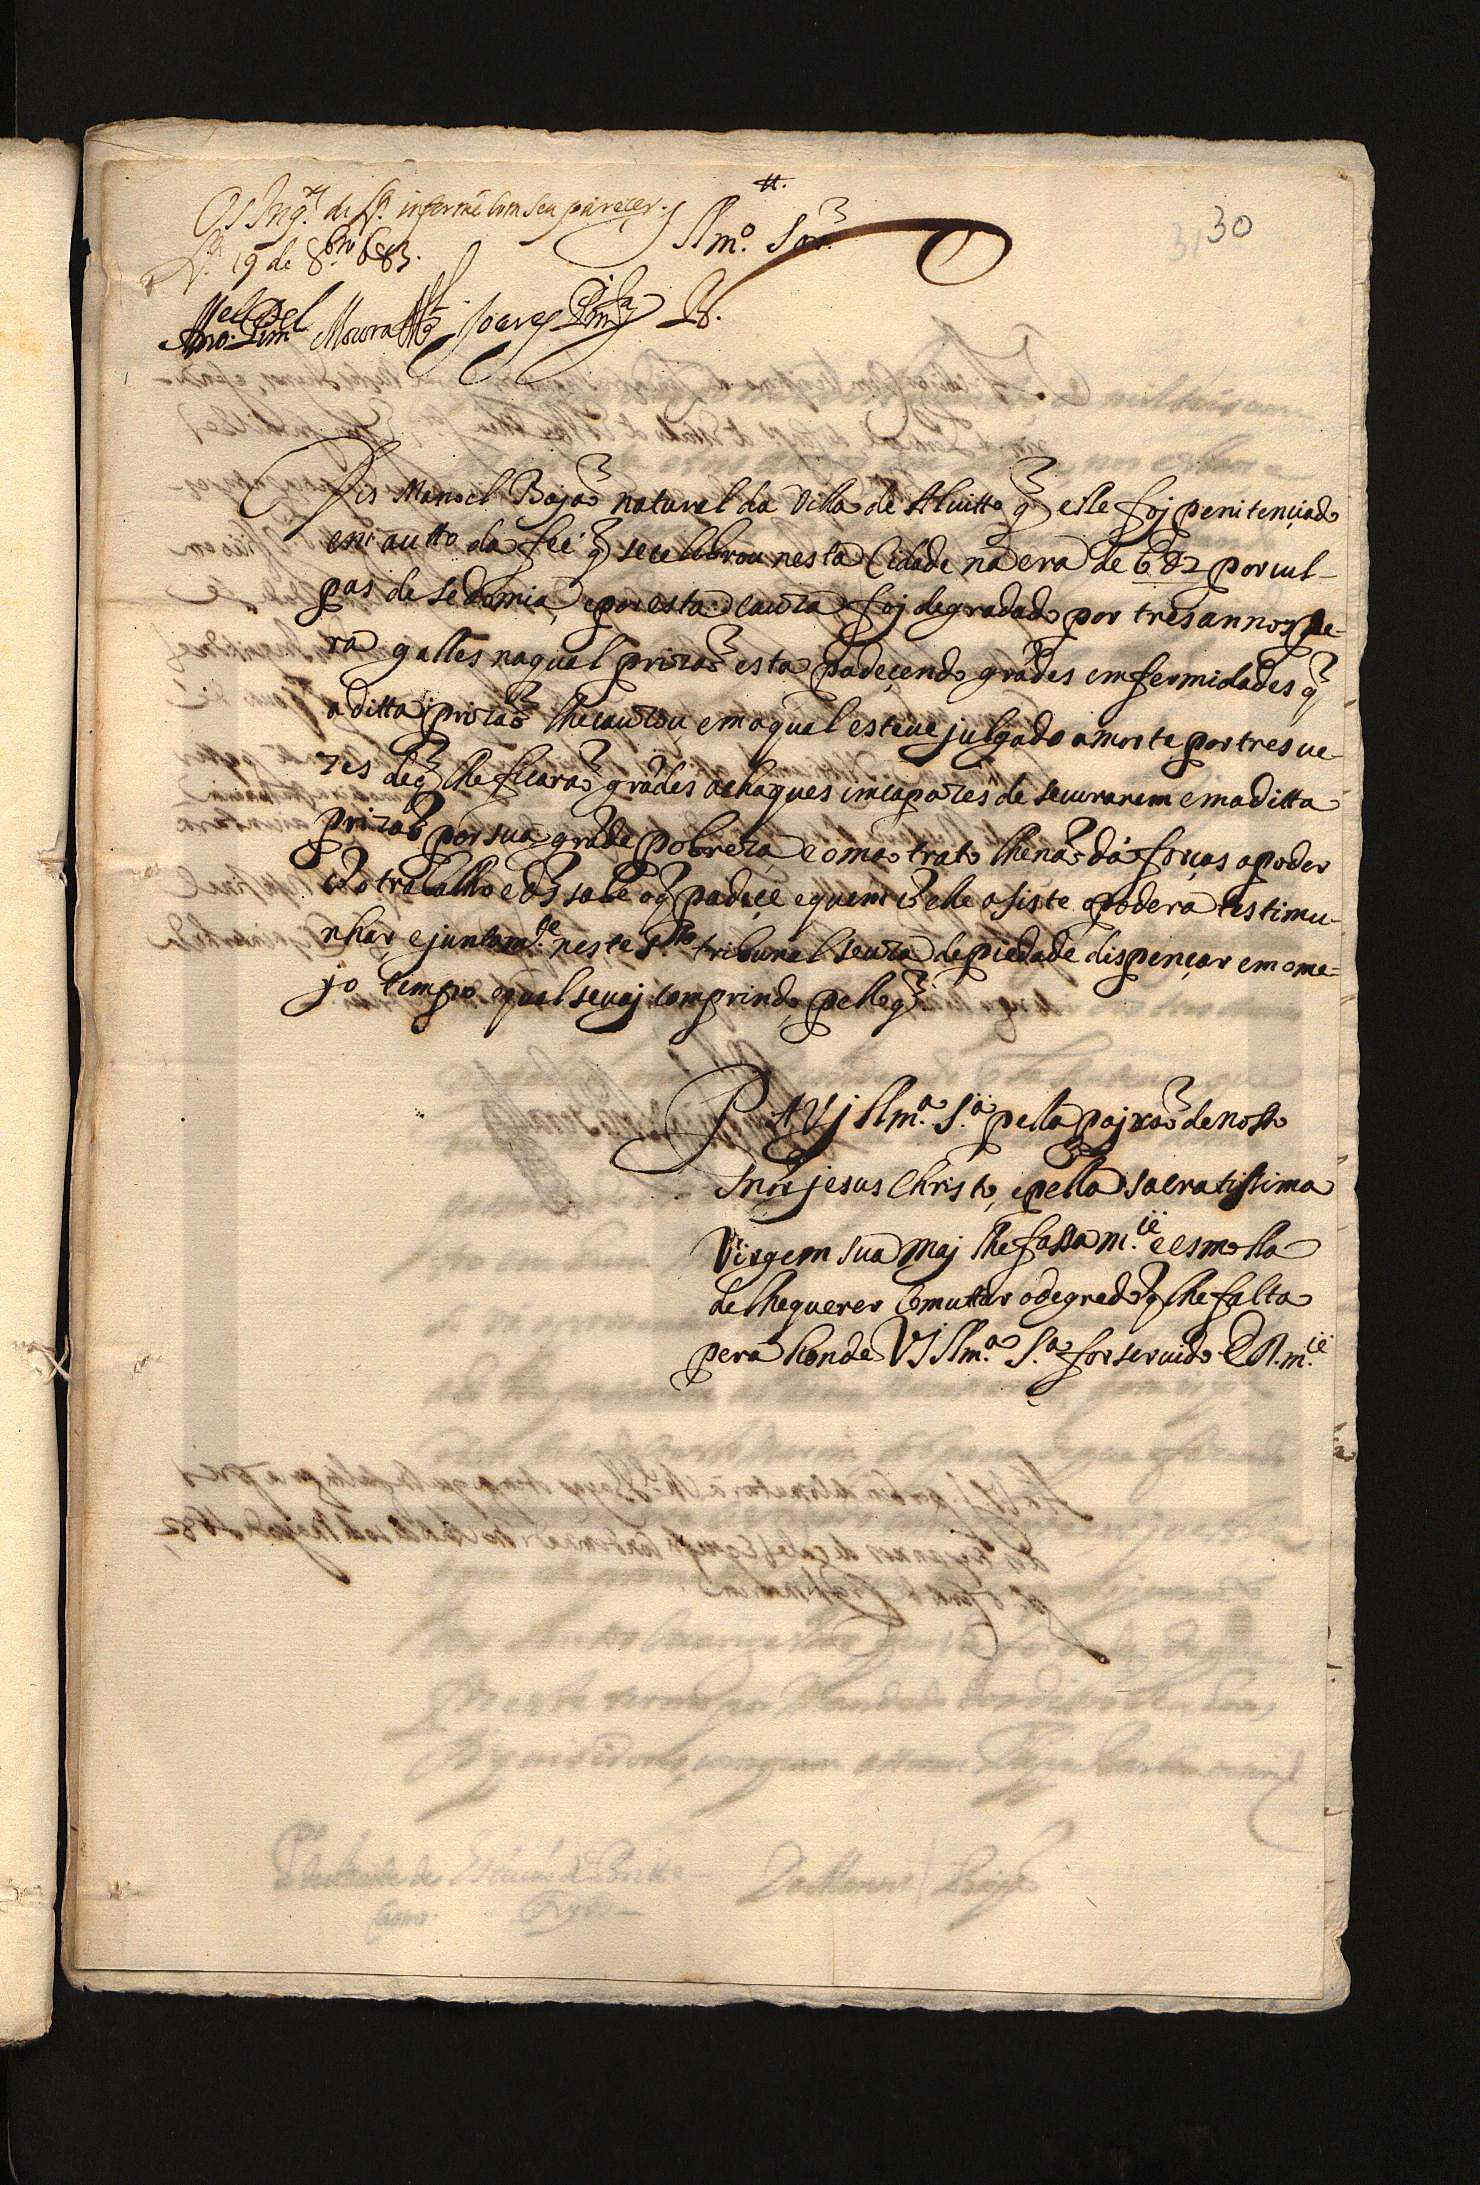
Os Inq.res de Lx.a informē com seu parecer.
Lx.a 19 de 8.bro 683.
Mno.el Pimel Moura Mel Soares Pimta
Illm.o Sor̄.
Diz Manoel Bajaõ natural da Villa de Aluito q̄ elle foy penitenciado
en autto da feé q̄ se celebrou nesta Cidade na era de 682 por cul
pas de sedomia, e por esta cauza foj degradado por tres annos pe
ra galles na qual prizaõ esta padecendo grādes emfermidades q̄
a ditta prizaõ lhe cauzou em a qual esteue julgado a morte por tres ue
zes de q̄ lhe ficaraõ grādes achaques imcapazes de se curarem em a ditta
prizaõ por sua grāde pobreza, e o mao trato lhe não dá forças a poder
cō o trabalho e ds̄ sabe o q̄ padece e quem cō elle asiste o podera testimu
nhar e juntam.te neste s.to tribunal se uza de piedade dispençar em o me
yo tempo o qual se uaj comprindo pello q̄
P A V Jllm.a S.a pella pajxaõ de nosso
Snor̄ Jesus Christo, e pella sacratissima
Virgem sua maj lhe fassa m.ce e esmolla
de lhe querer comuttar o degredo q̄ lhe falta
pera honde V Illm.a S.a for seruido E R. m.ce
